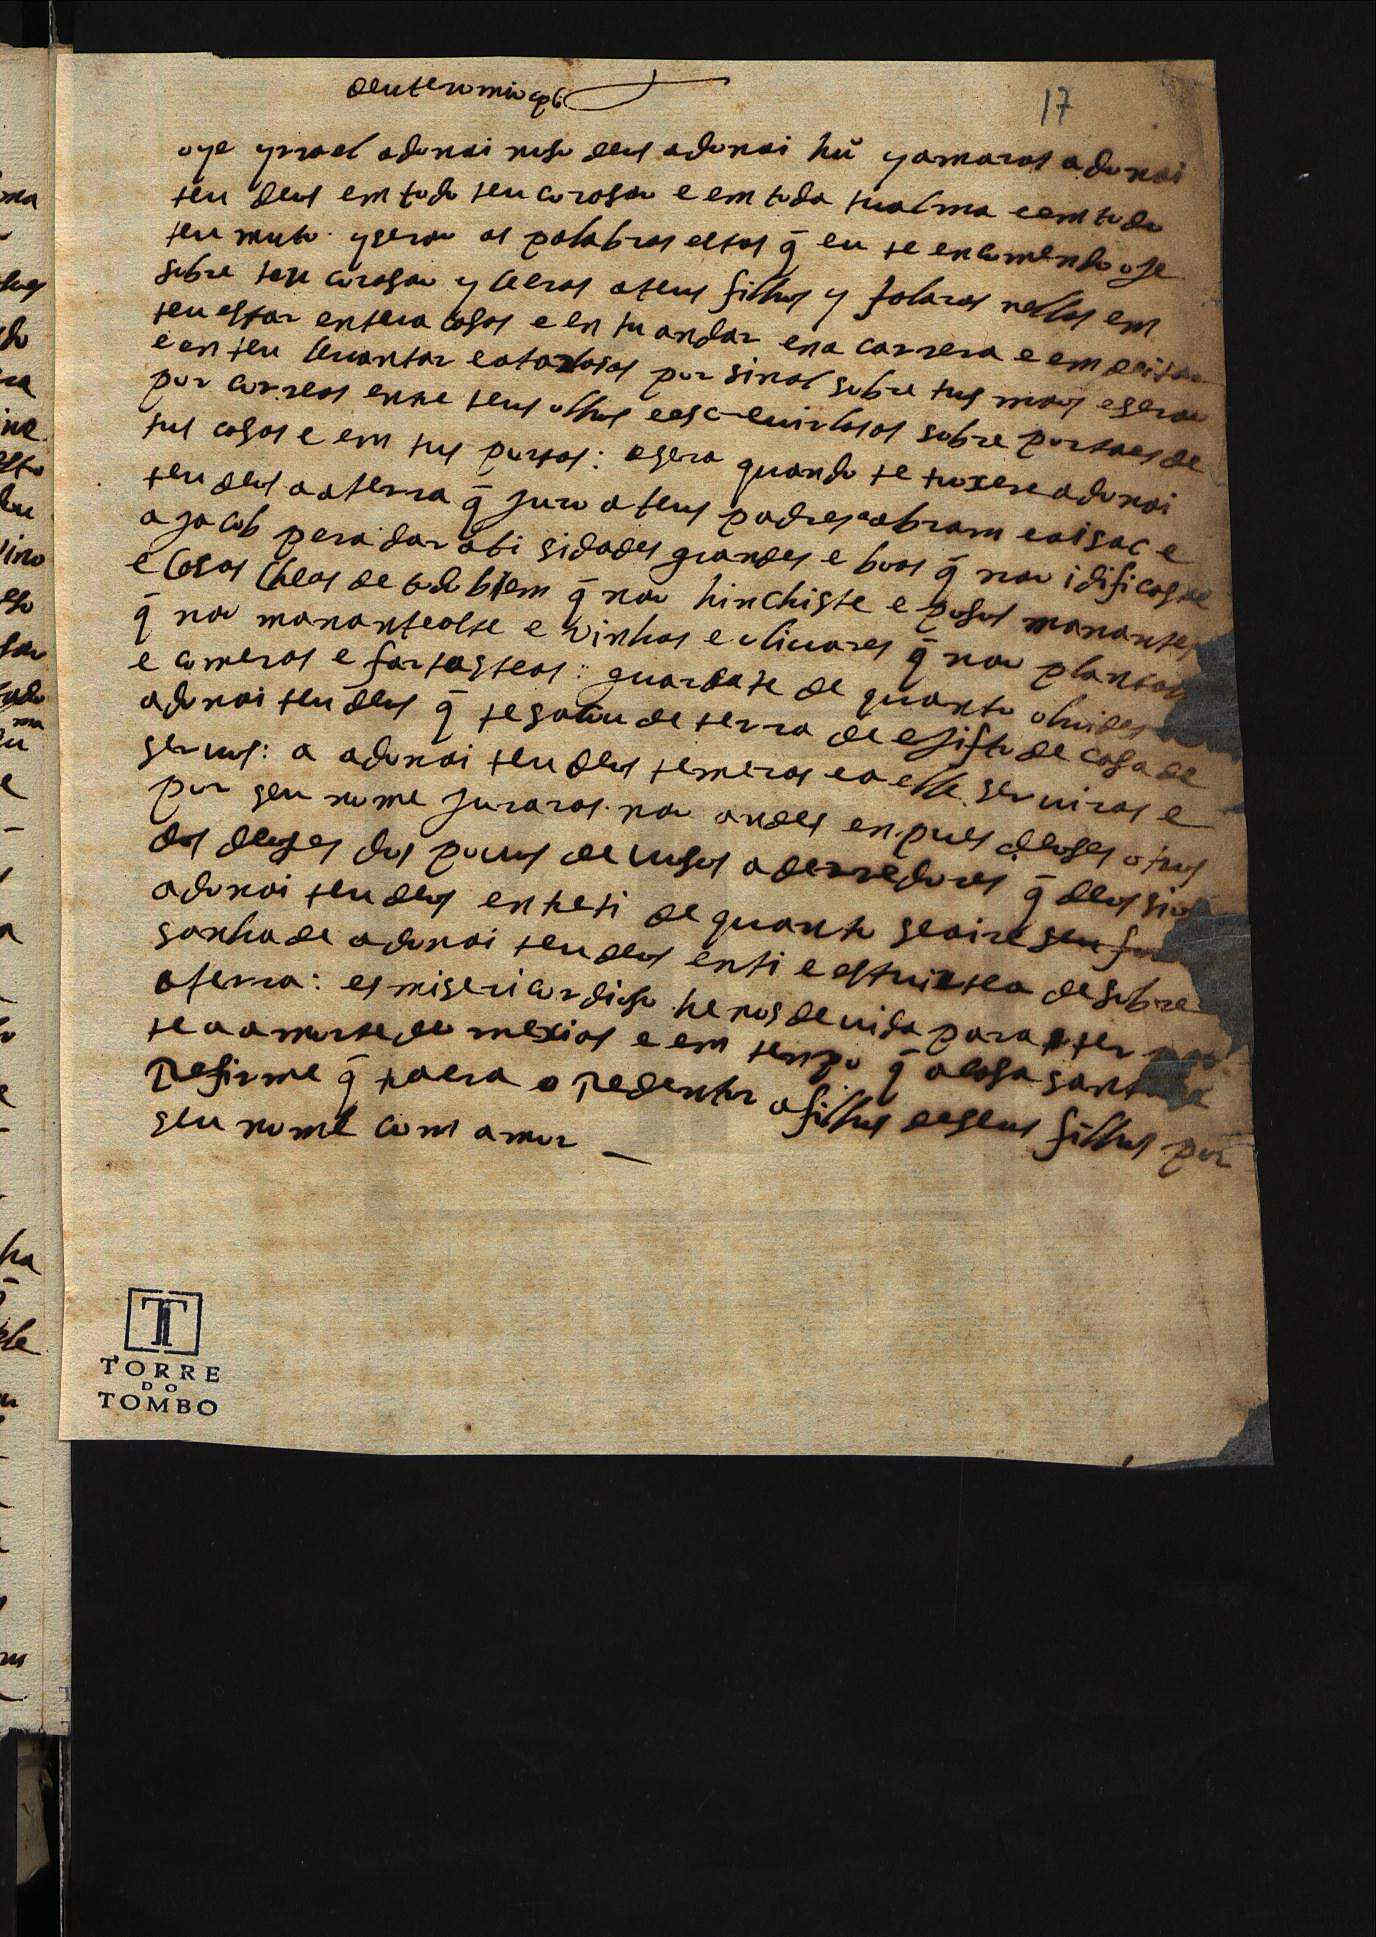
deuteromio cp 6
oye ysrael adonai noso deus adonai huo y amaras adonai
teu Deus em todo seu corasao e em toda tu alma e em todo
teu muto. y seran as palabras estas q̄ eu te encomendo oJe
sobre teu corasao y leeras a teus filhos y falaras nellas em
teu altar en tua casas e en tu andar e na carrera e em deitar
e en teu leuantar e atadolas por sinal sobre tus maos e seran
por correas entre teus olhos e escreuirlasas sobre portaes de
tus casas e em tus portas: e sera quando te troxere adonai
teu deos aa terra q̄ juro a teus padres a abram e a isac e
a jacob pera dar a ti sidades grandes e boas q̄ nao idificaste
e casas cheas de todo biem q̄ naõ hinchiste e posos manante
q̄ nao mananteaste e vinhas e oliuares q̄ nao plantas
e comeras e fartasteas: guardate de quanto oluides
adonai teu deos q̄ te sacou de terra de ejifto de casa de
seruos: a adonai teu deos temeras e a elle seruiras e
por seu nome Juraras nao andes en pues deoses otros
dos deoses dos pouos de uosos adorredores q̄ deos sio
adonai teu deos entre ti de quanto se aire seu f
sanha de adonai teu deos en ti destuirtea de sobre
a terra: es misericordioso he nos de uida para ter
te aa morte do mexias e em tenpo q̄ a casa san
Refirme q̄ traera o Redentor a filhos de seus filhos por
seu nome com amor
